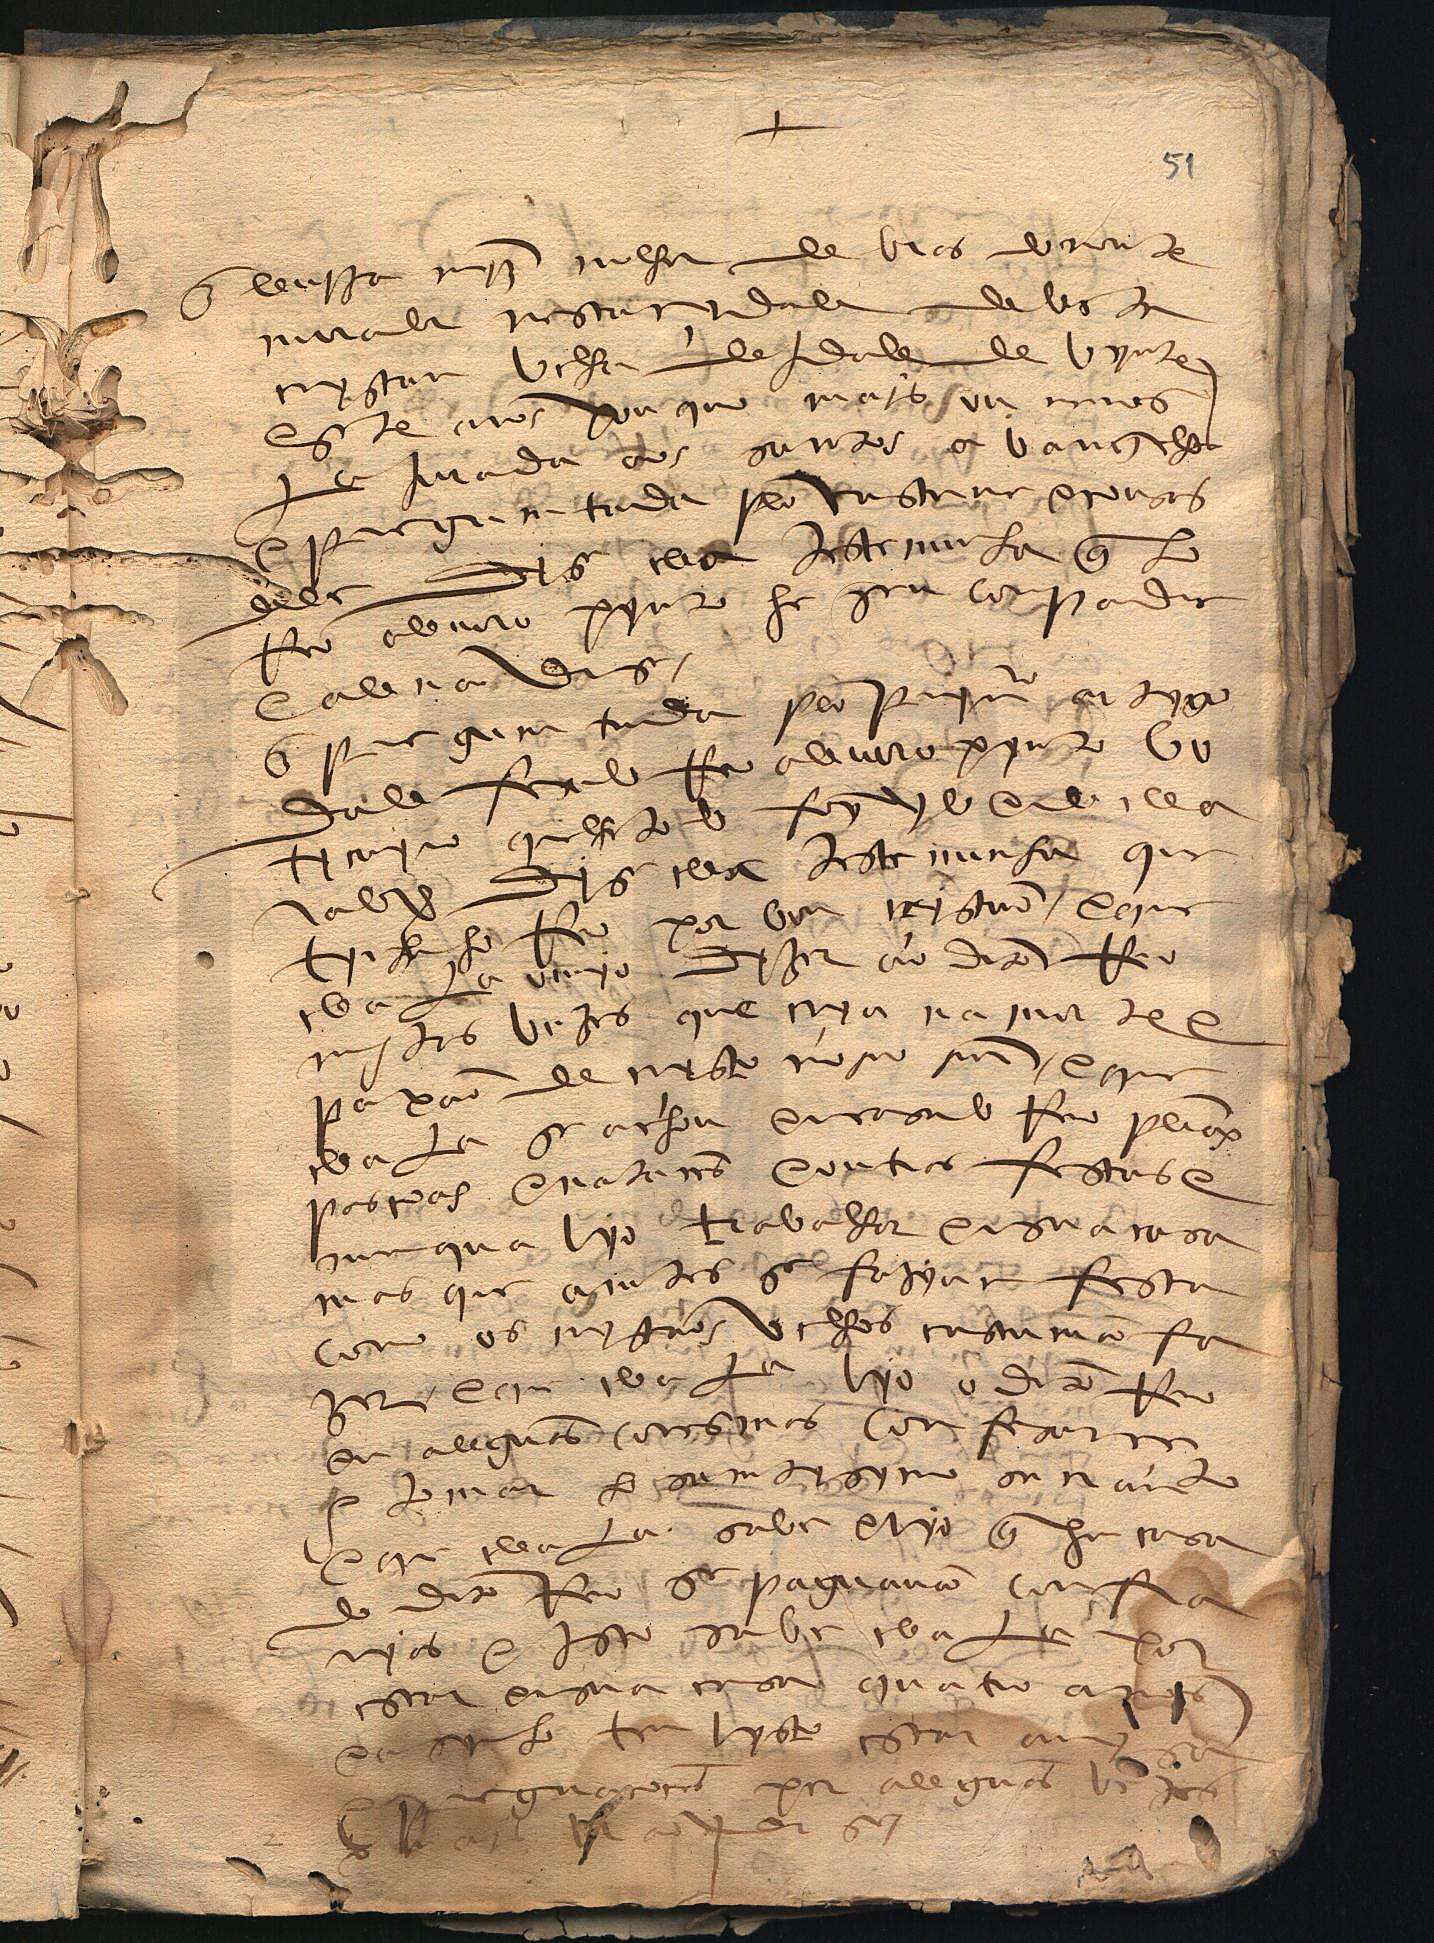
item llujza mj̄z molher de bras do monte
morador nesta cidade de beJa
crystam velha de Jdade de vynte
e sete anos pouquo majs ou menos
ta Jurada aos santos avangelhos
e pregumtada plō custume e cousas
dele dise ella testemuha q̄ ho
Reo alluoro pynto he seu compadre
e all nā dise /
item pregumtada plō prymro artygo
da defesa do Reo alluoro pynto bo
tycayro que lhe todo foy lydo e declla
rado . dyse ella testemunha que
tynha ho Reo por bom crystaõ / e que
ella ta ouuyo dyzer ao ditō Reo
mujtas vezes que crya na morte e
paxaõ de crysto noso sor̄ / e que
ella ta se achou em casa do Reo pllās
pascoas e nataeēs e outras festas e
nunqua vyo trabalhar em sua casa
mas que amtes se fazyam festa
como os crystaõs velhos custumão fa
zer / e que ella ta vyo o ditō Reo
em allgūas coresmas confesarce
e tomar ho samtysymo sacramto
e cre ella ta sabe e vyo q̄ ha casa
do dito Reo se paguauaõ confra
ryas e Jsto sabe ella ta por
estar em sua casa quatro anos
e asy ho tem vysto estar a mysa
e preguaçoẽes por allguās vezes
e majs naõ dise /
